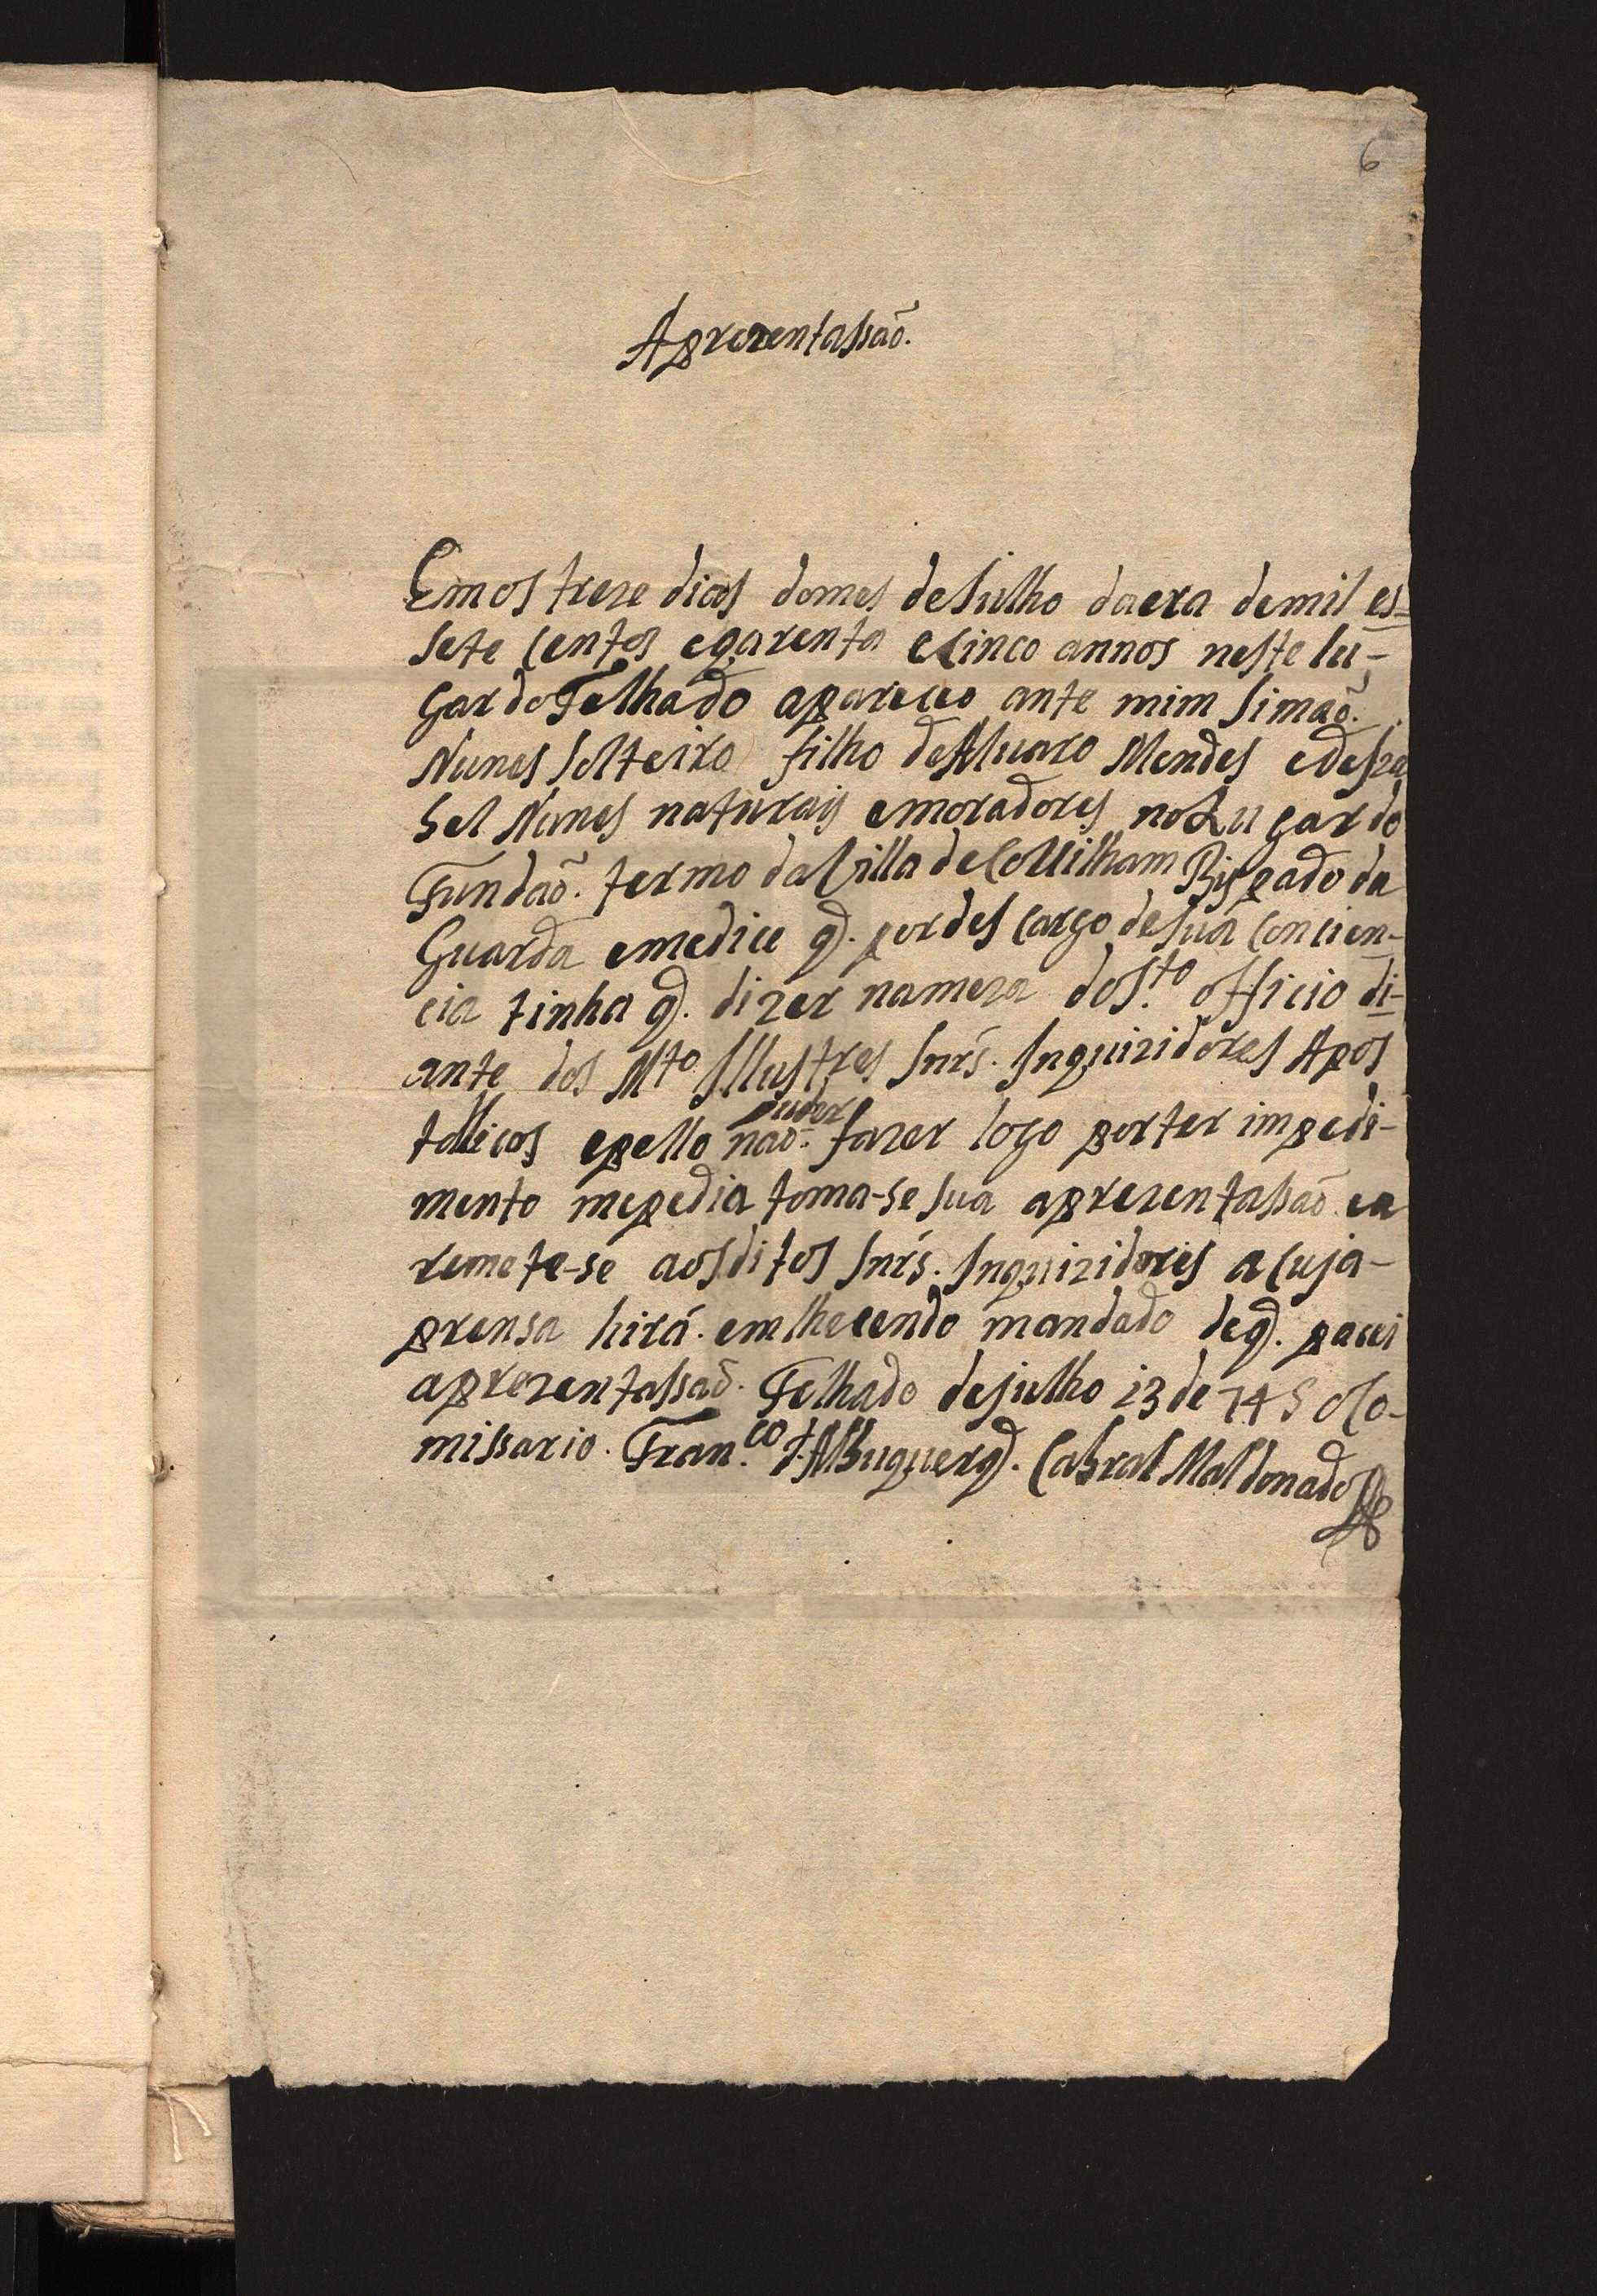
Aprezentassaõ.
Em os treze dias do mes de Iulho da era de mil e s
setecentos e qarenta e sinco annos neste lu
gar do Telhado apareceo ante mim simaõ.
Nunes solteiro filho de Aluaro Mendes e de Jza
bel Nunes naturais e moradores no lugar do
Fundaõ. termo da Villa de Couilham Bispado da
Guarda e me dice q̄ por descargo de sua concien
cia tinha q̄. dizer na meza do S.to officio di
ante dos Mto Illustres Snrs̄. Jnquizidores Apos
tollicos e pello naõ
puder
fazer logo por ter impedi
mento me pedia toma-se sua aprezentassaõ e a
remete-se aos ditos snrs̄. Inquizidores a cuja
prensa hirá. em lhe cendo mandado de q̄. pacei
aprezentassaõ. Telhado de julho i3 de 745 o Co
missario. Fran.co d̄.Albuquerq̄ Cabral Maldonado
